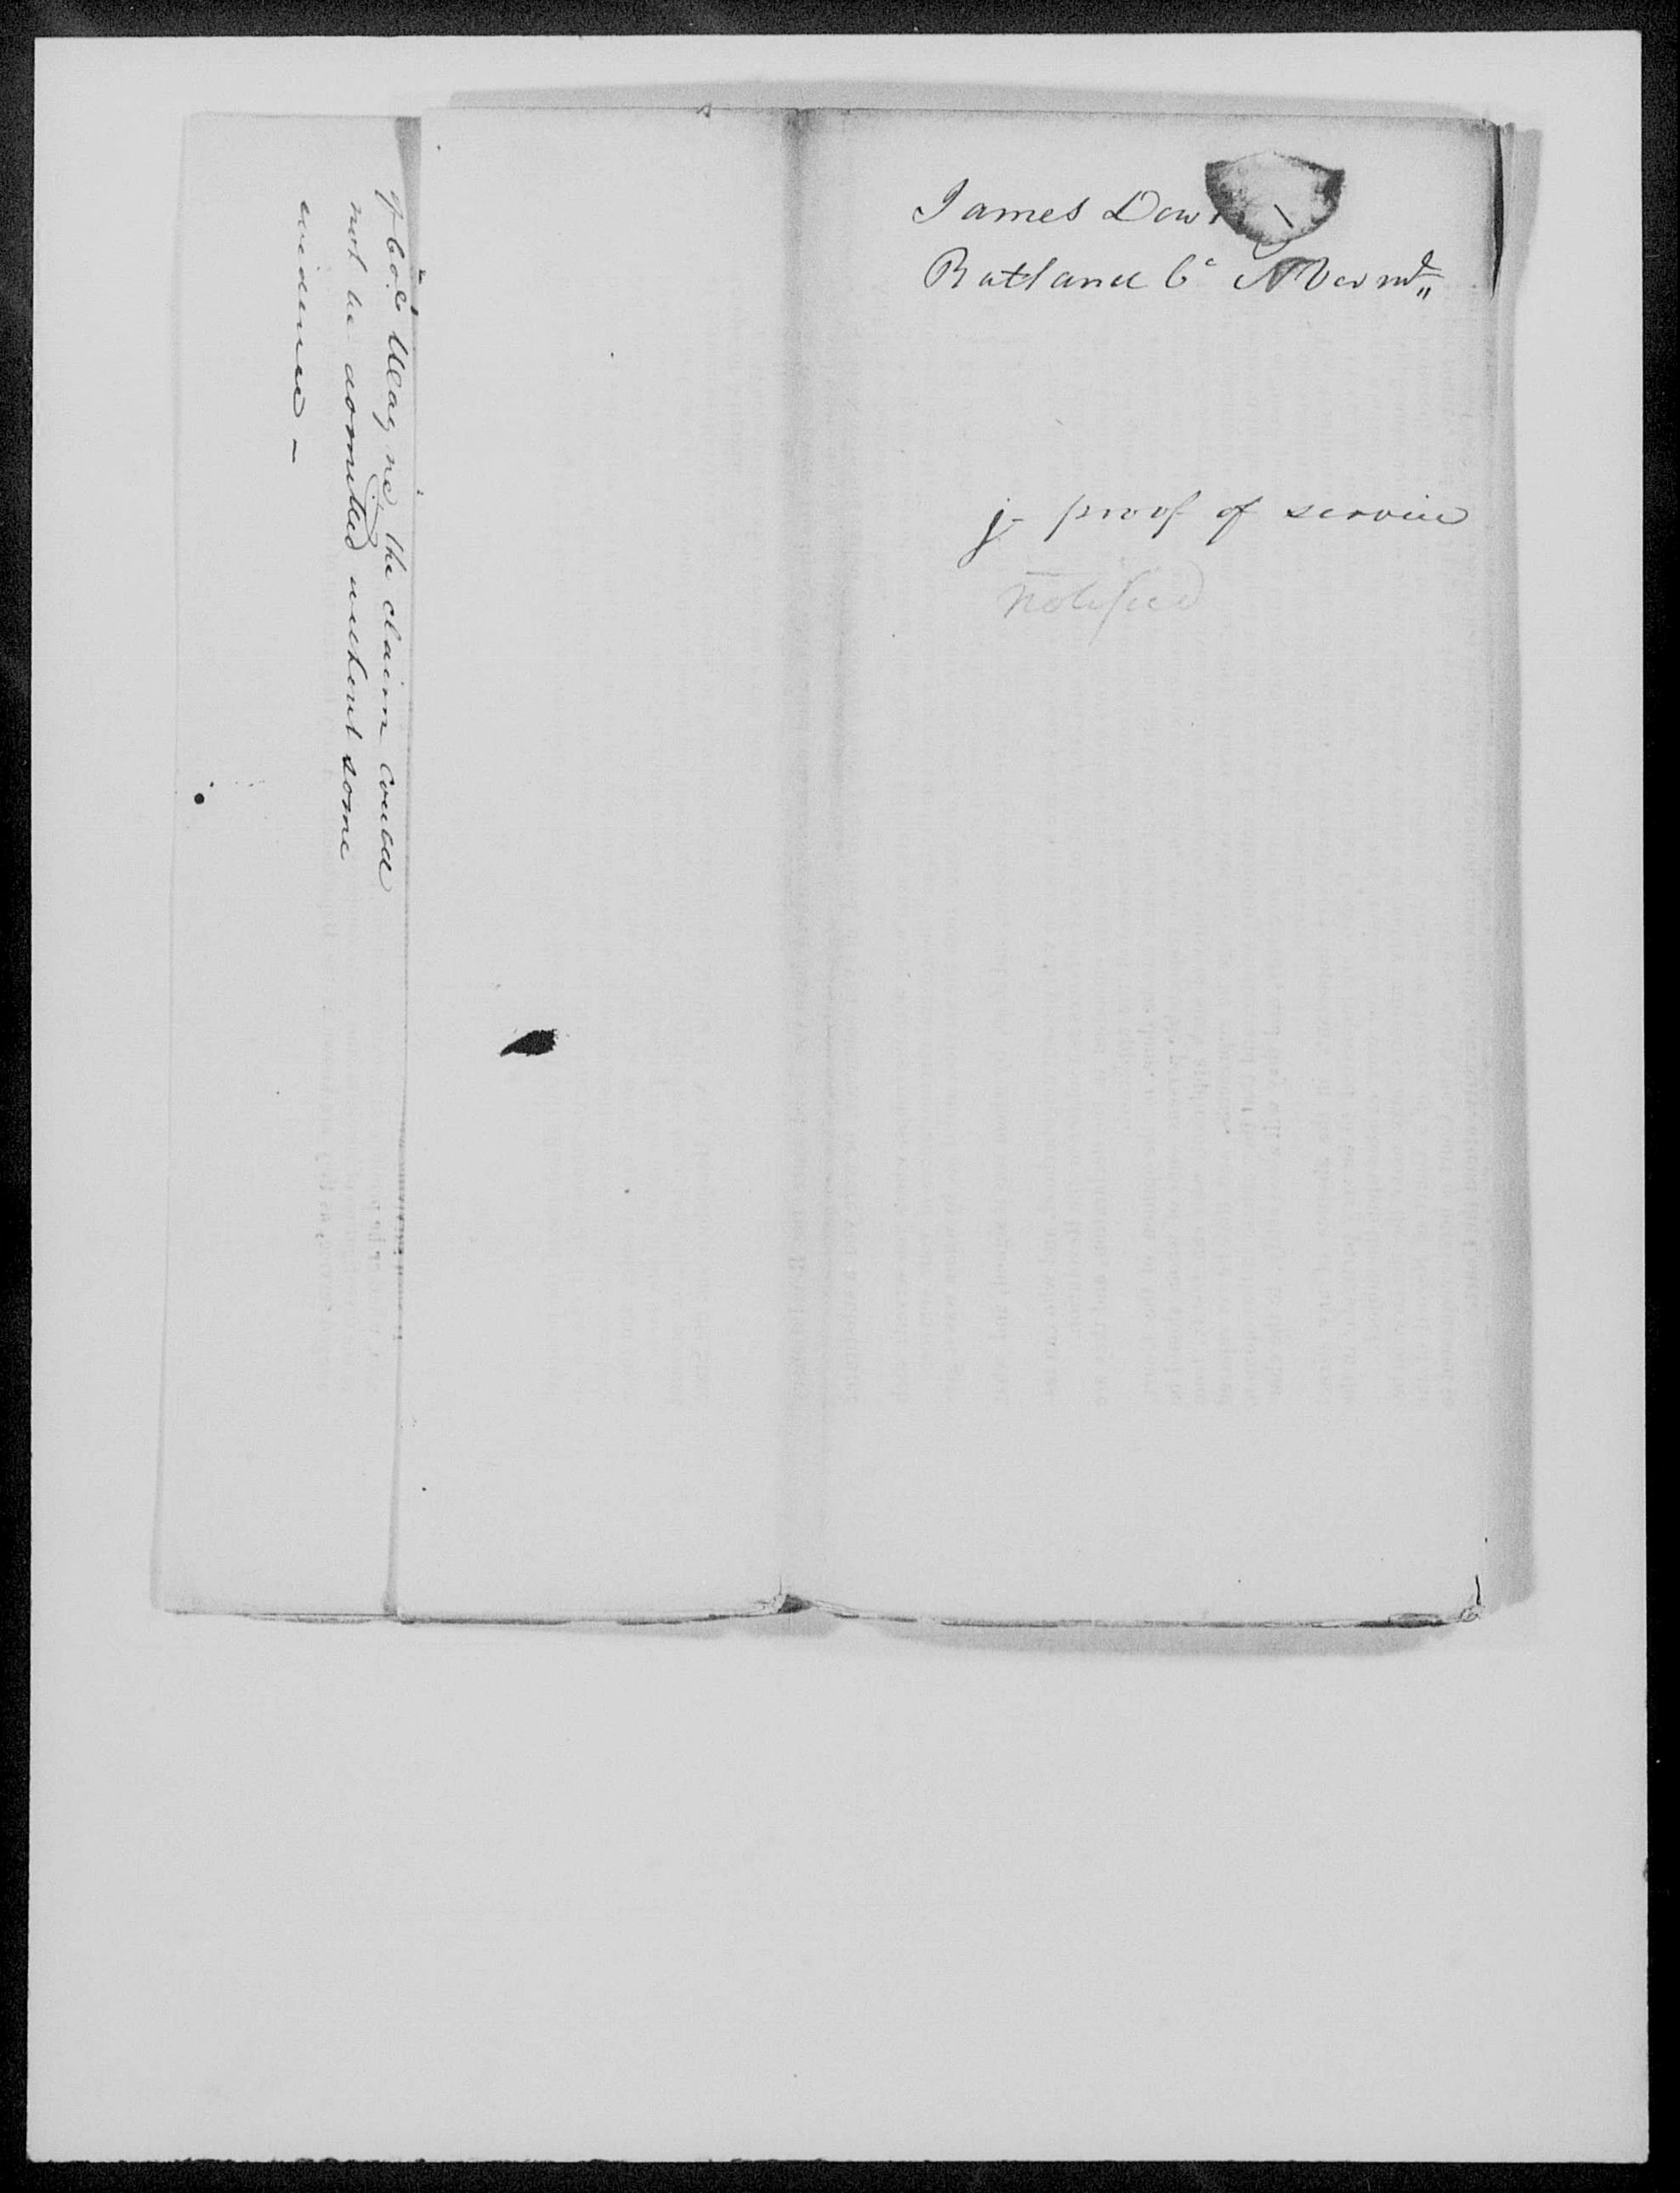James Dowling
Rutland Co Vermont
Proof of service
notified

[written sideways on left-hand side of page]
To Col Wayne the claim could not be admitted without some evidence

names: Wayne, James Dowling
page: 6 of 17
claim: survivor's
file: S. 10575, James Dowling, Penn.